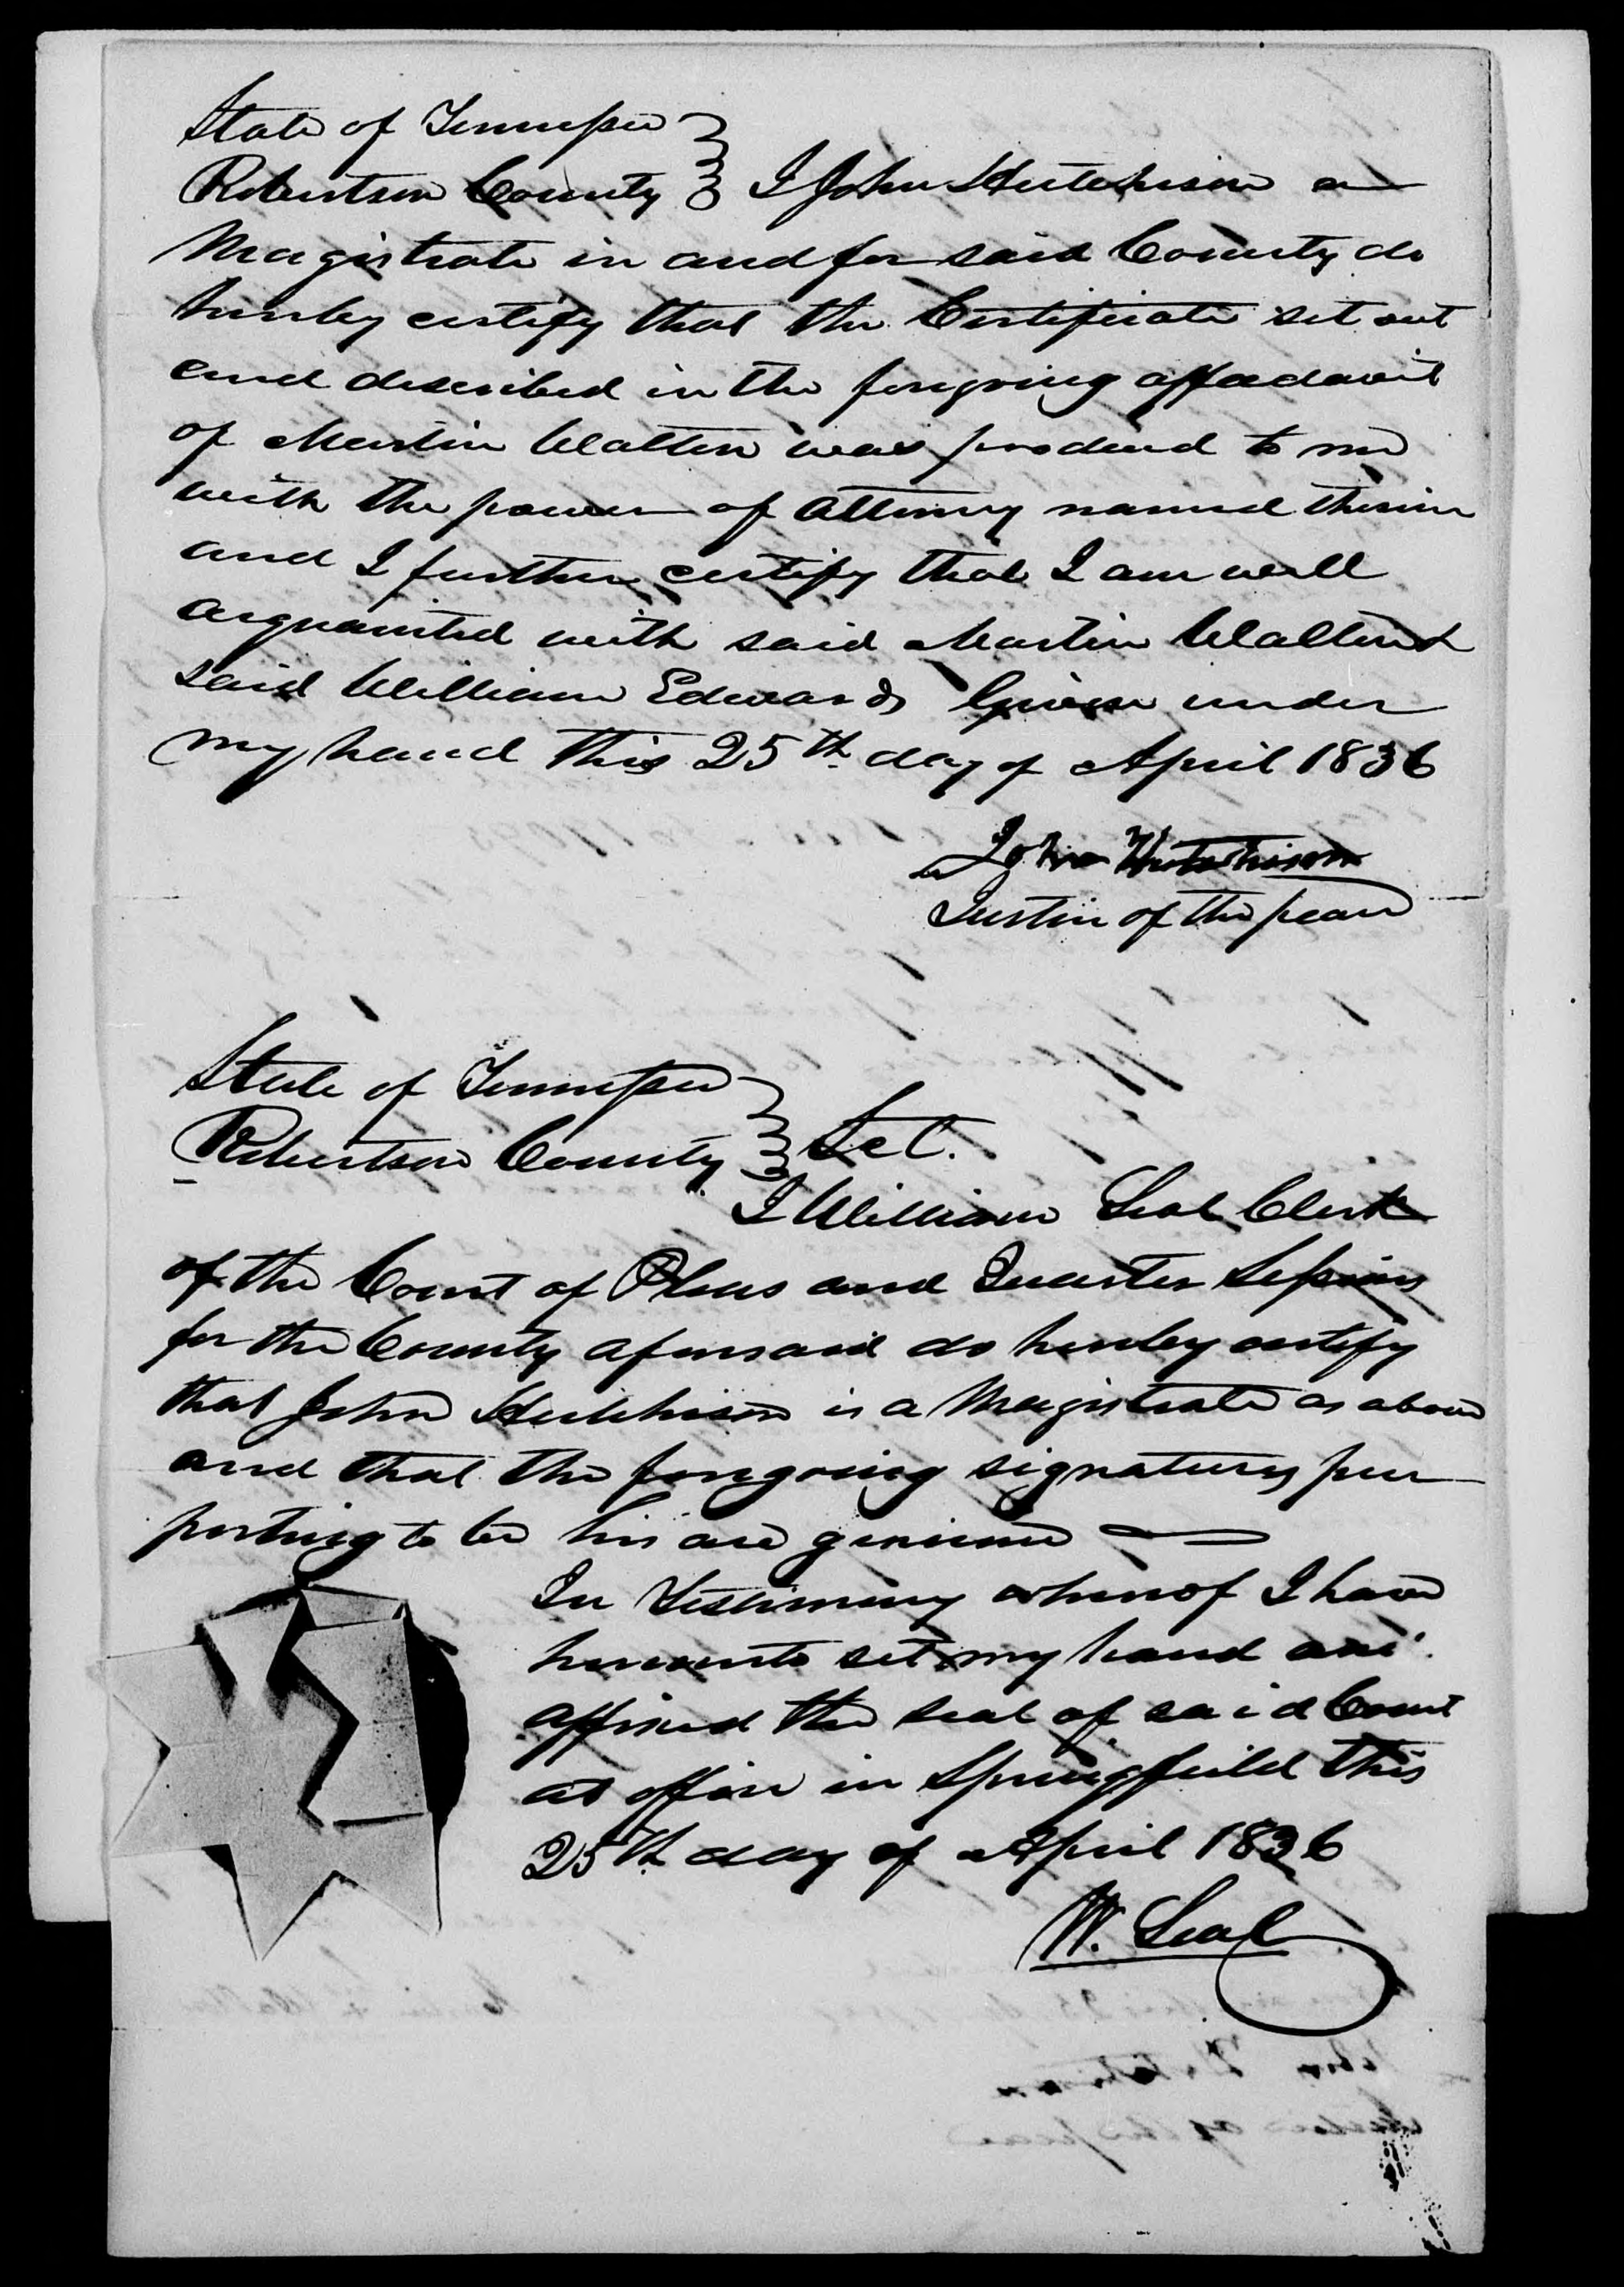State of Tennessee
Robertson County} I John Hutchison a Magistrate in and for said County do hereby certify that the Certificate set out and described in the foregoing affidavit of Martin Walton was produced to me with the power of attorney named therein and I further certify that I am well acquainted with said Martin Walton & said William Edwards Given under my hand this 25th day of April 1836
John Hutchison
Justice of the peace

State of Tennessee
Robertson County} Sct.
I William Seal Clerk of the Court of Pleas and Quarter Sessions for the County aforesaid do hereby certify that John Hutchison is a Magistrate as above and that the foregoing signatures purporting to be his are genuine ~
In Testimony whereof I have hereunto set my hand and affixed the seal of said Court at office in Springfield this 25th day of April 1836
W. Seal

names: John Hutchison, William Edwards, Martin Walton, John Hutchison, John Hutchison, W Leal, William Leal, Martin Walton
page: 20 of 47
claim: survivor's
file: S. 3,322, William Edwards, Va.